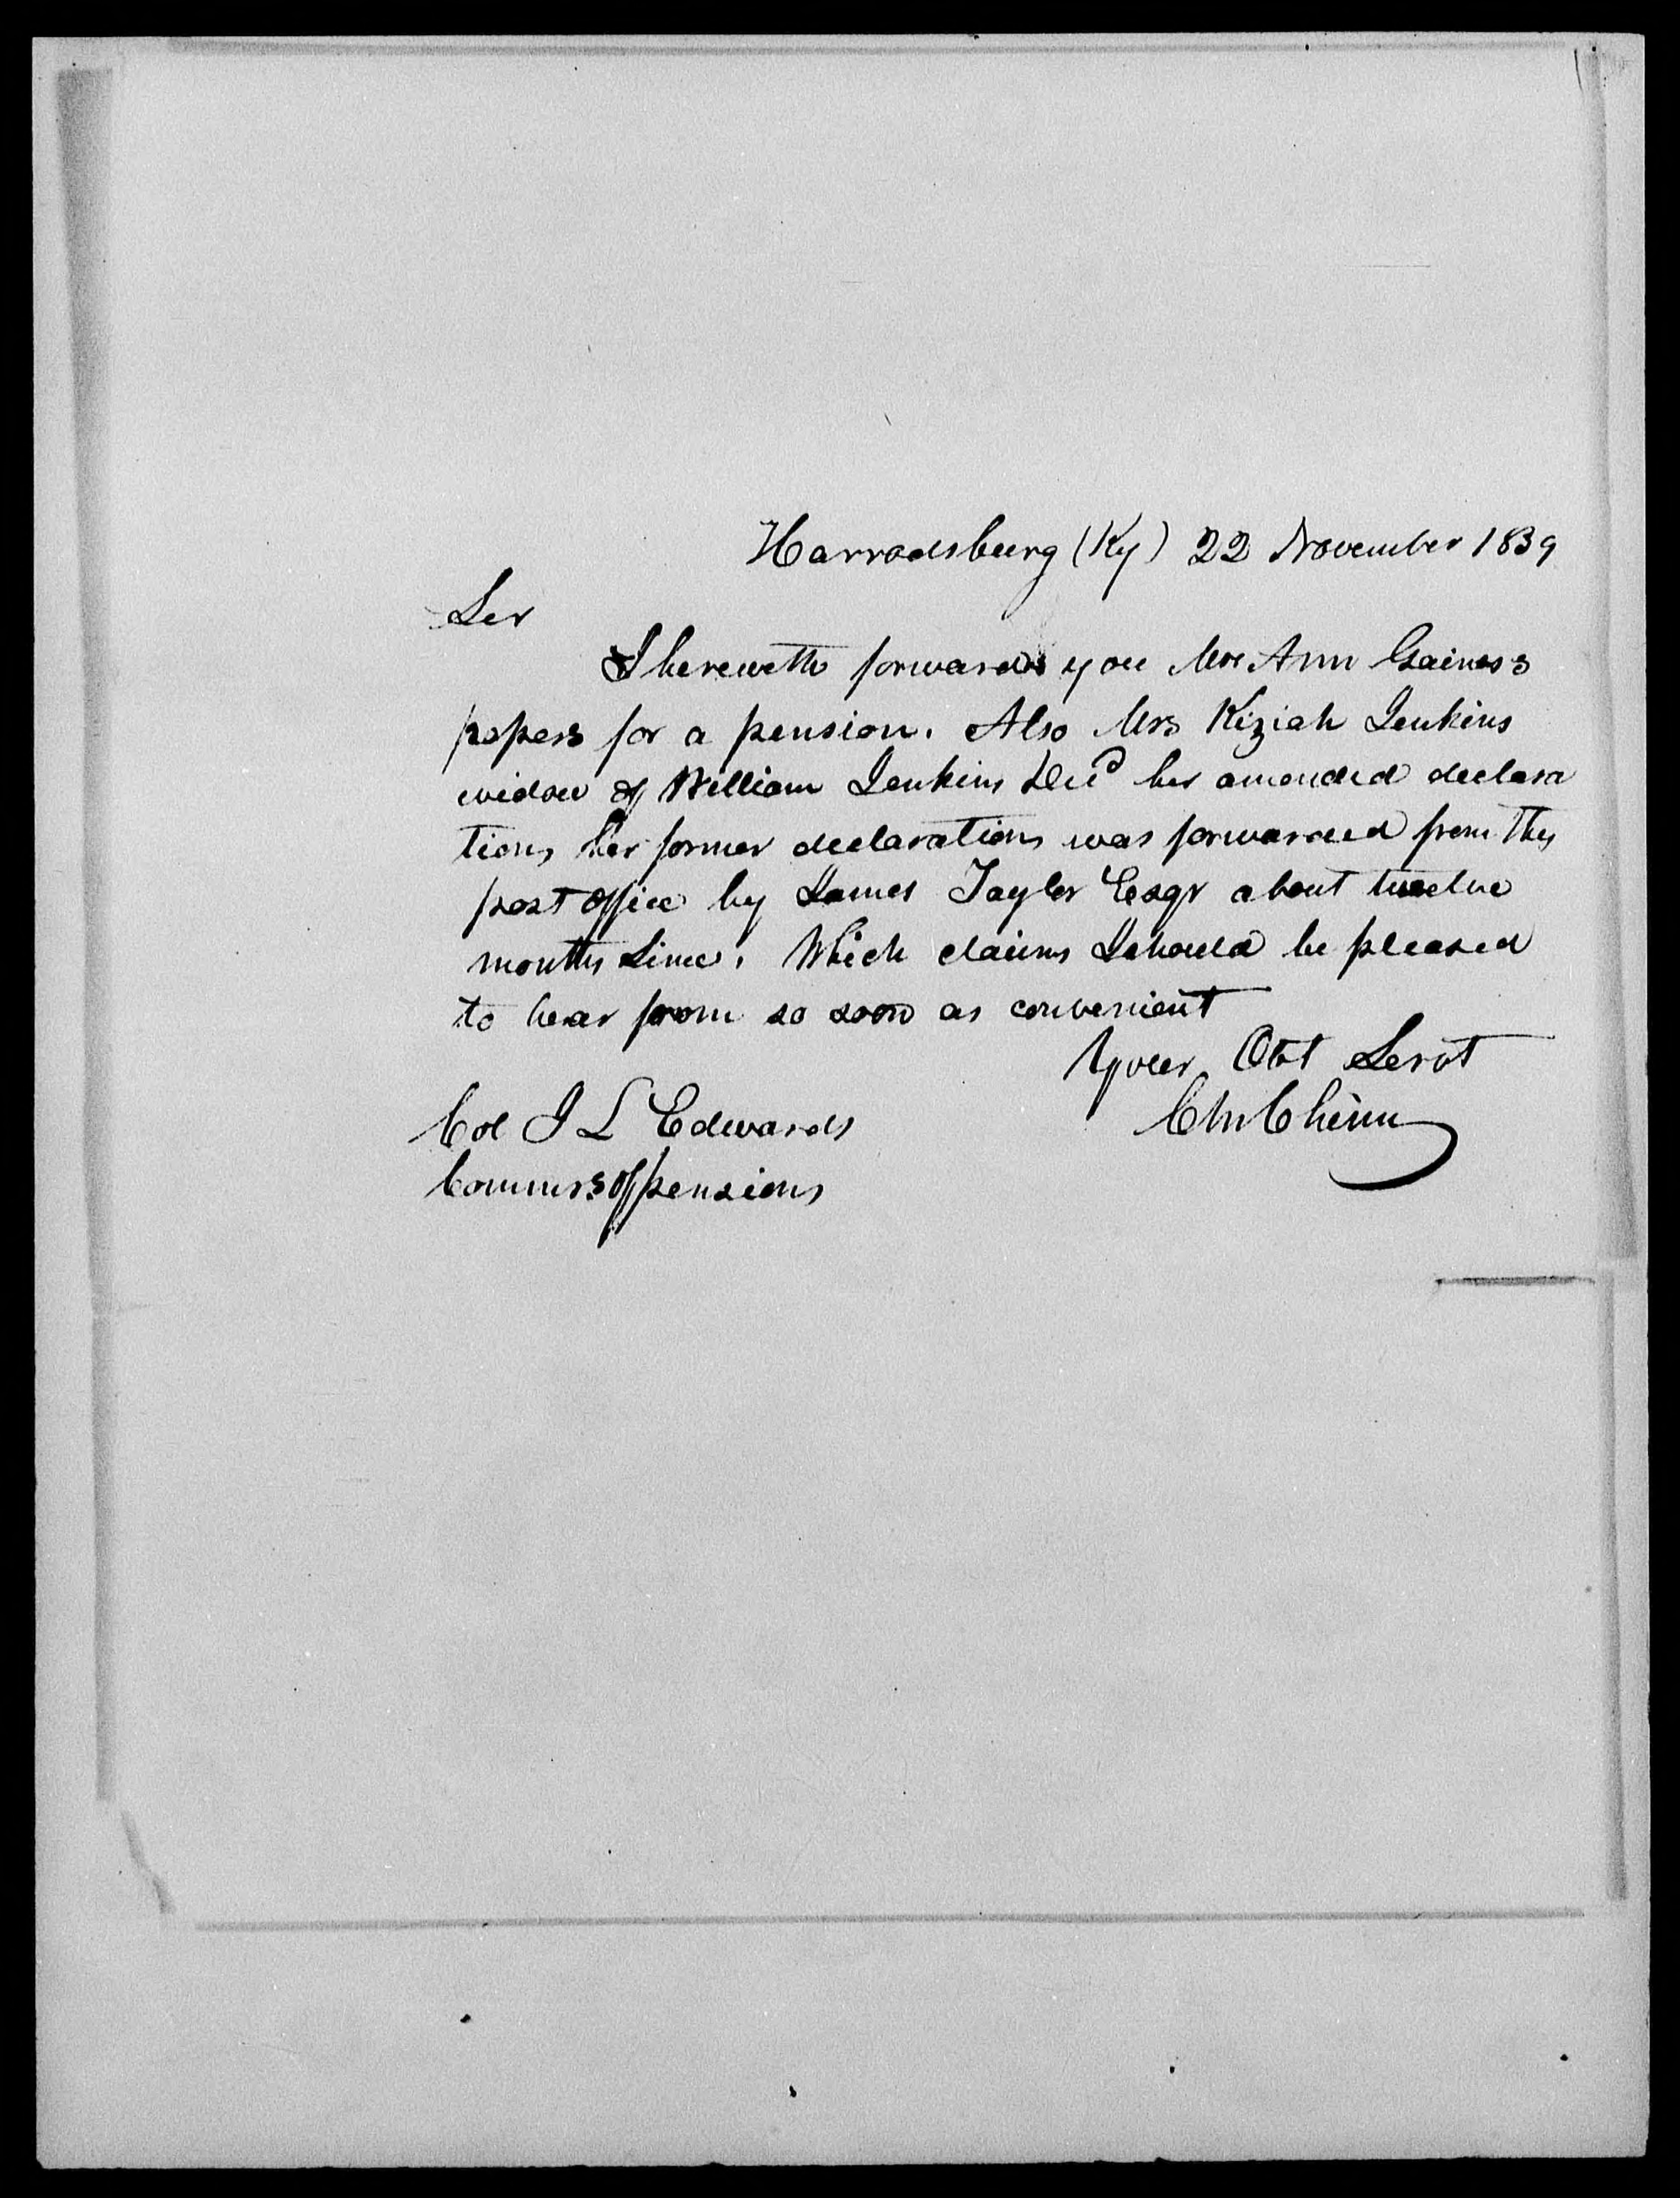Harrodsburg (Ky) 22 November 1839
Sir
I herewith forward you Mrs Ann Gaines
papers for a pension. Also Mrs Kiziah Jenkins
widow of William Jenkins Dec'd her amended declarations her former declaration was forwarded from this
post Office by James Taylor Esqr about twelve
months since. Which claims I should be pleased
to hear from so soon as convenient
Your Obt Servt
Chr Chinn

Col J L Edwards
Comrs of Pensions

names: Kiziah Jenkins, William Jenkins, Chr Chinn, James Gaylor, J L Edwards, Ann Gaines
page: 66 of 79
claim: rejected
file: R. 3863, Robert Gaines, Va.